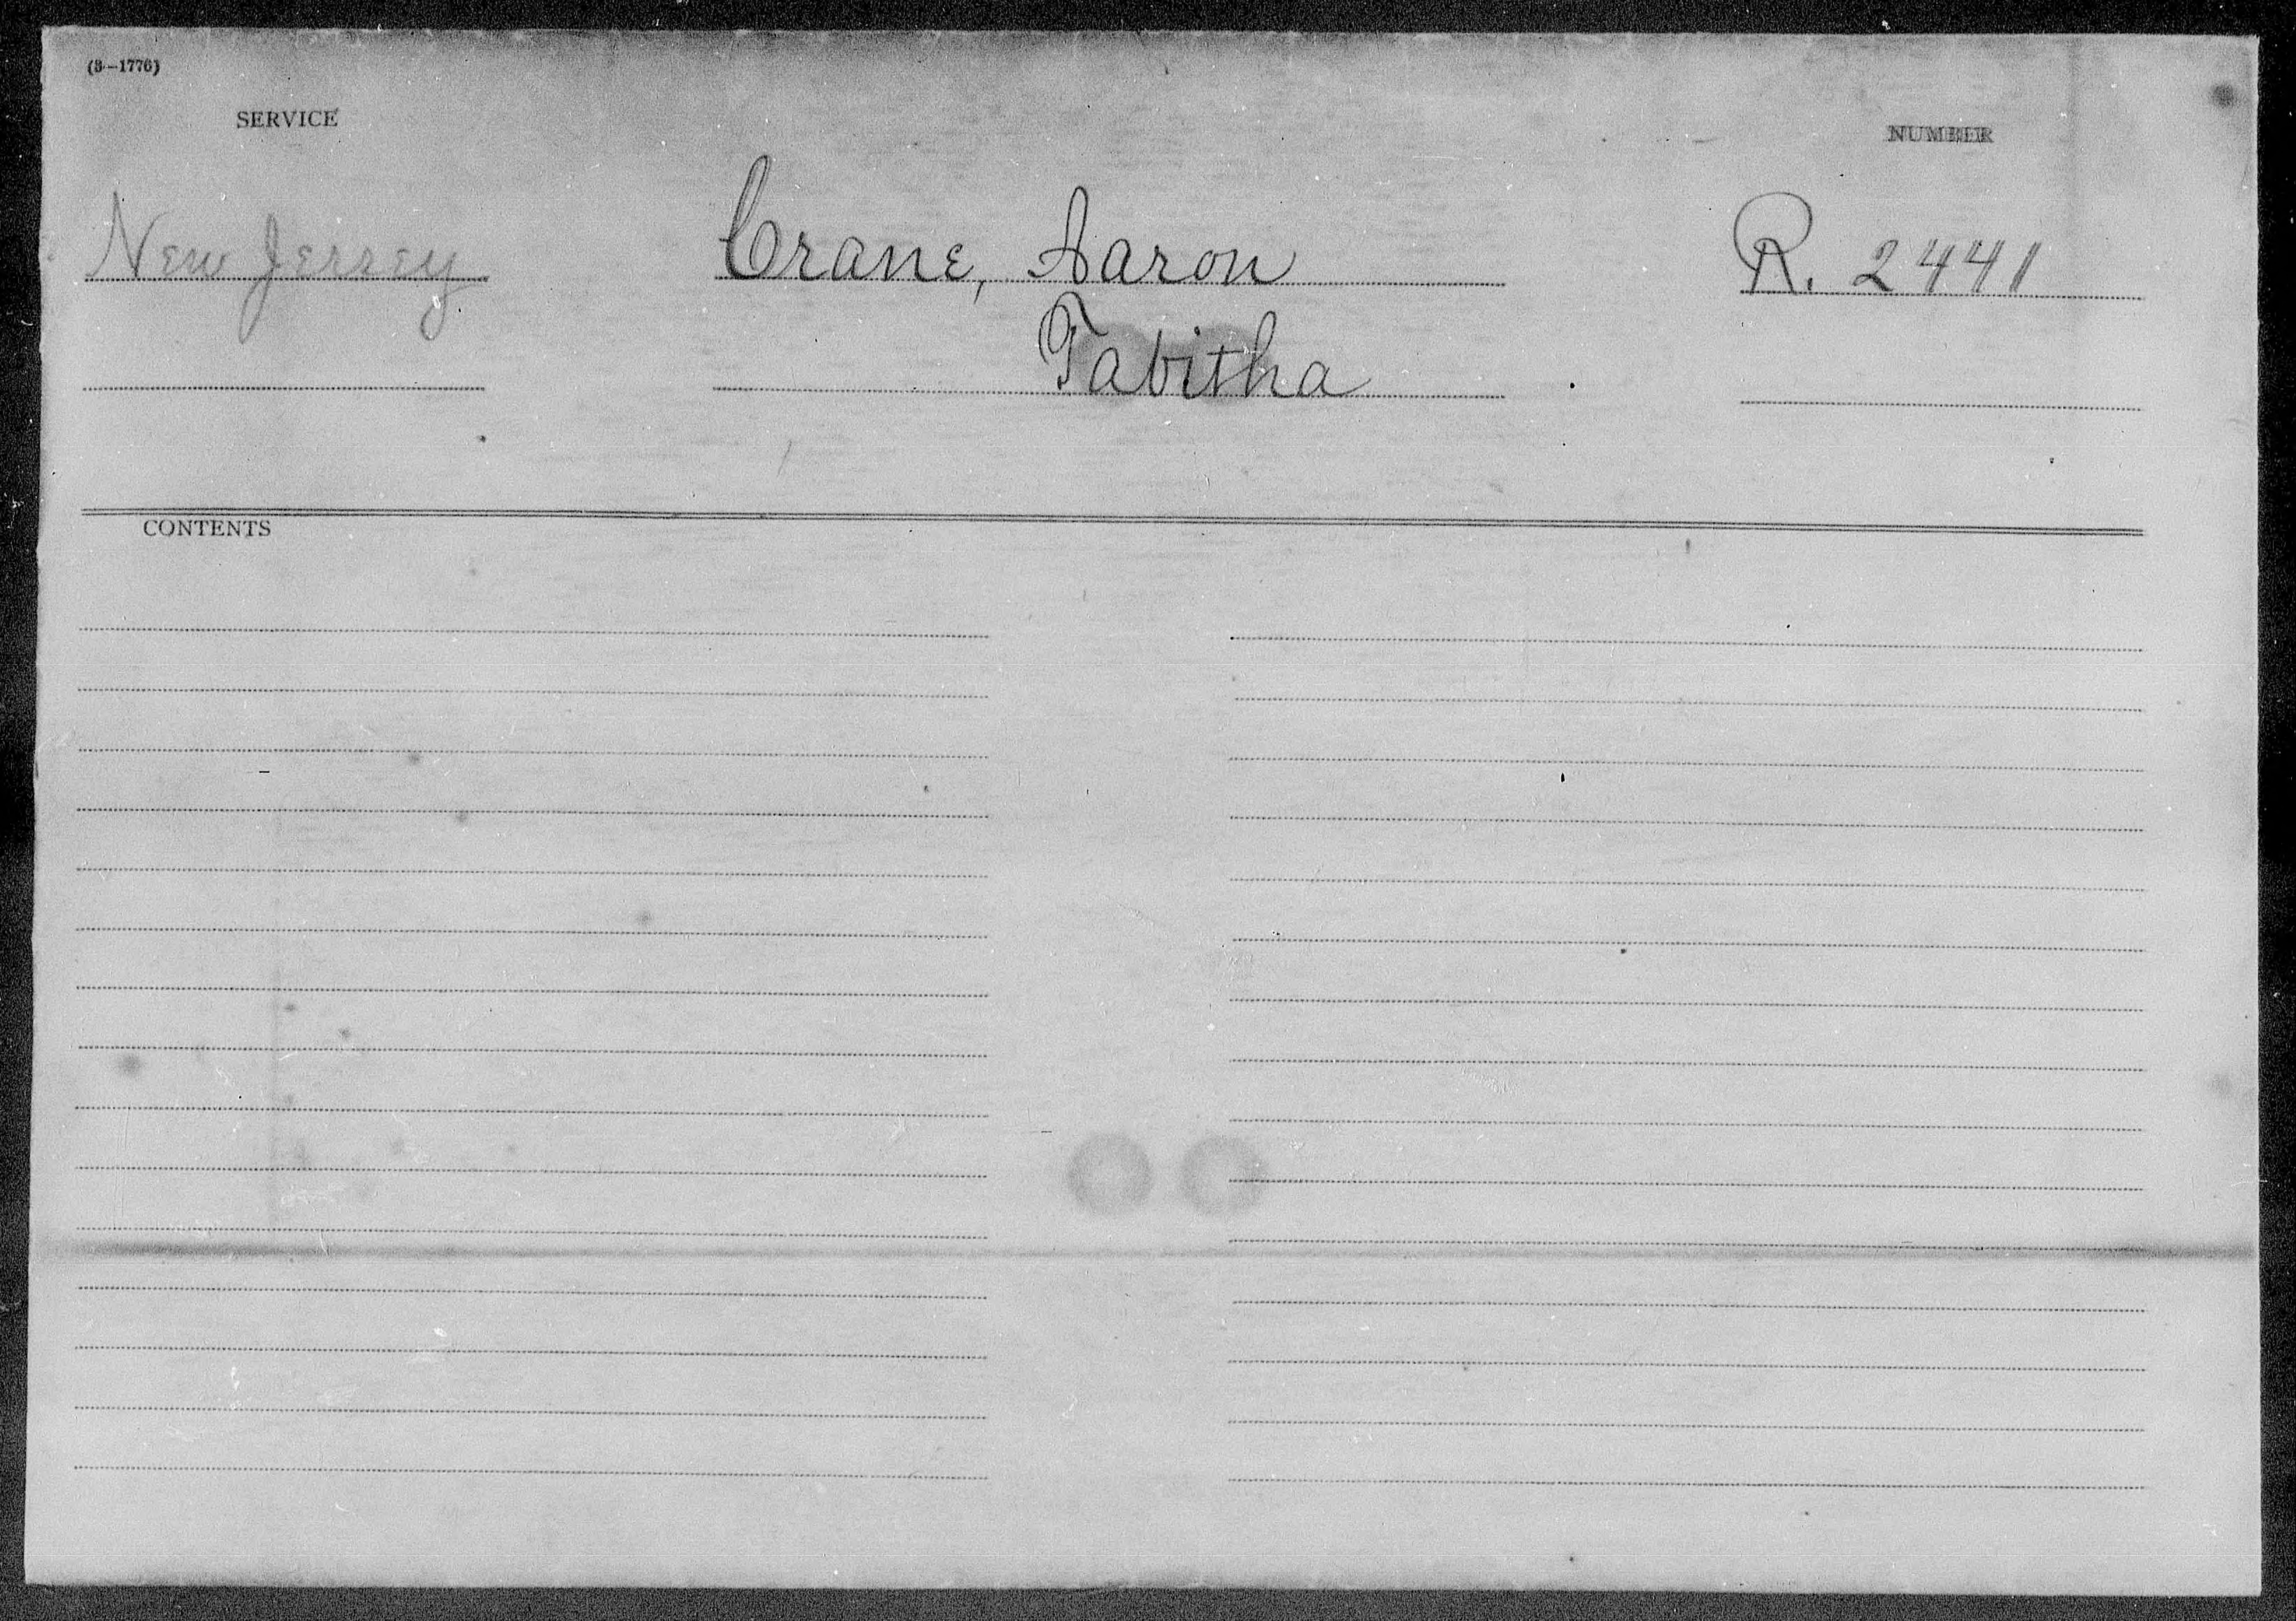(3 - 1776) 

SERVICE                                                                                                                                                  NUMBER

New Jersey                                                                    Crane, Aaron                                             R. 2441

                                                                                                     Tabitha


CONTENS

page: 1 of 32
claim: rejected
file: R. 2441, Aaron Crane, New Jersey